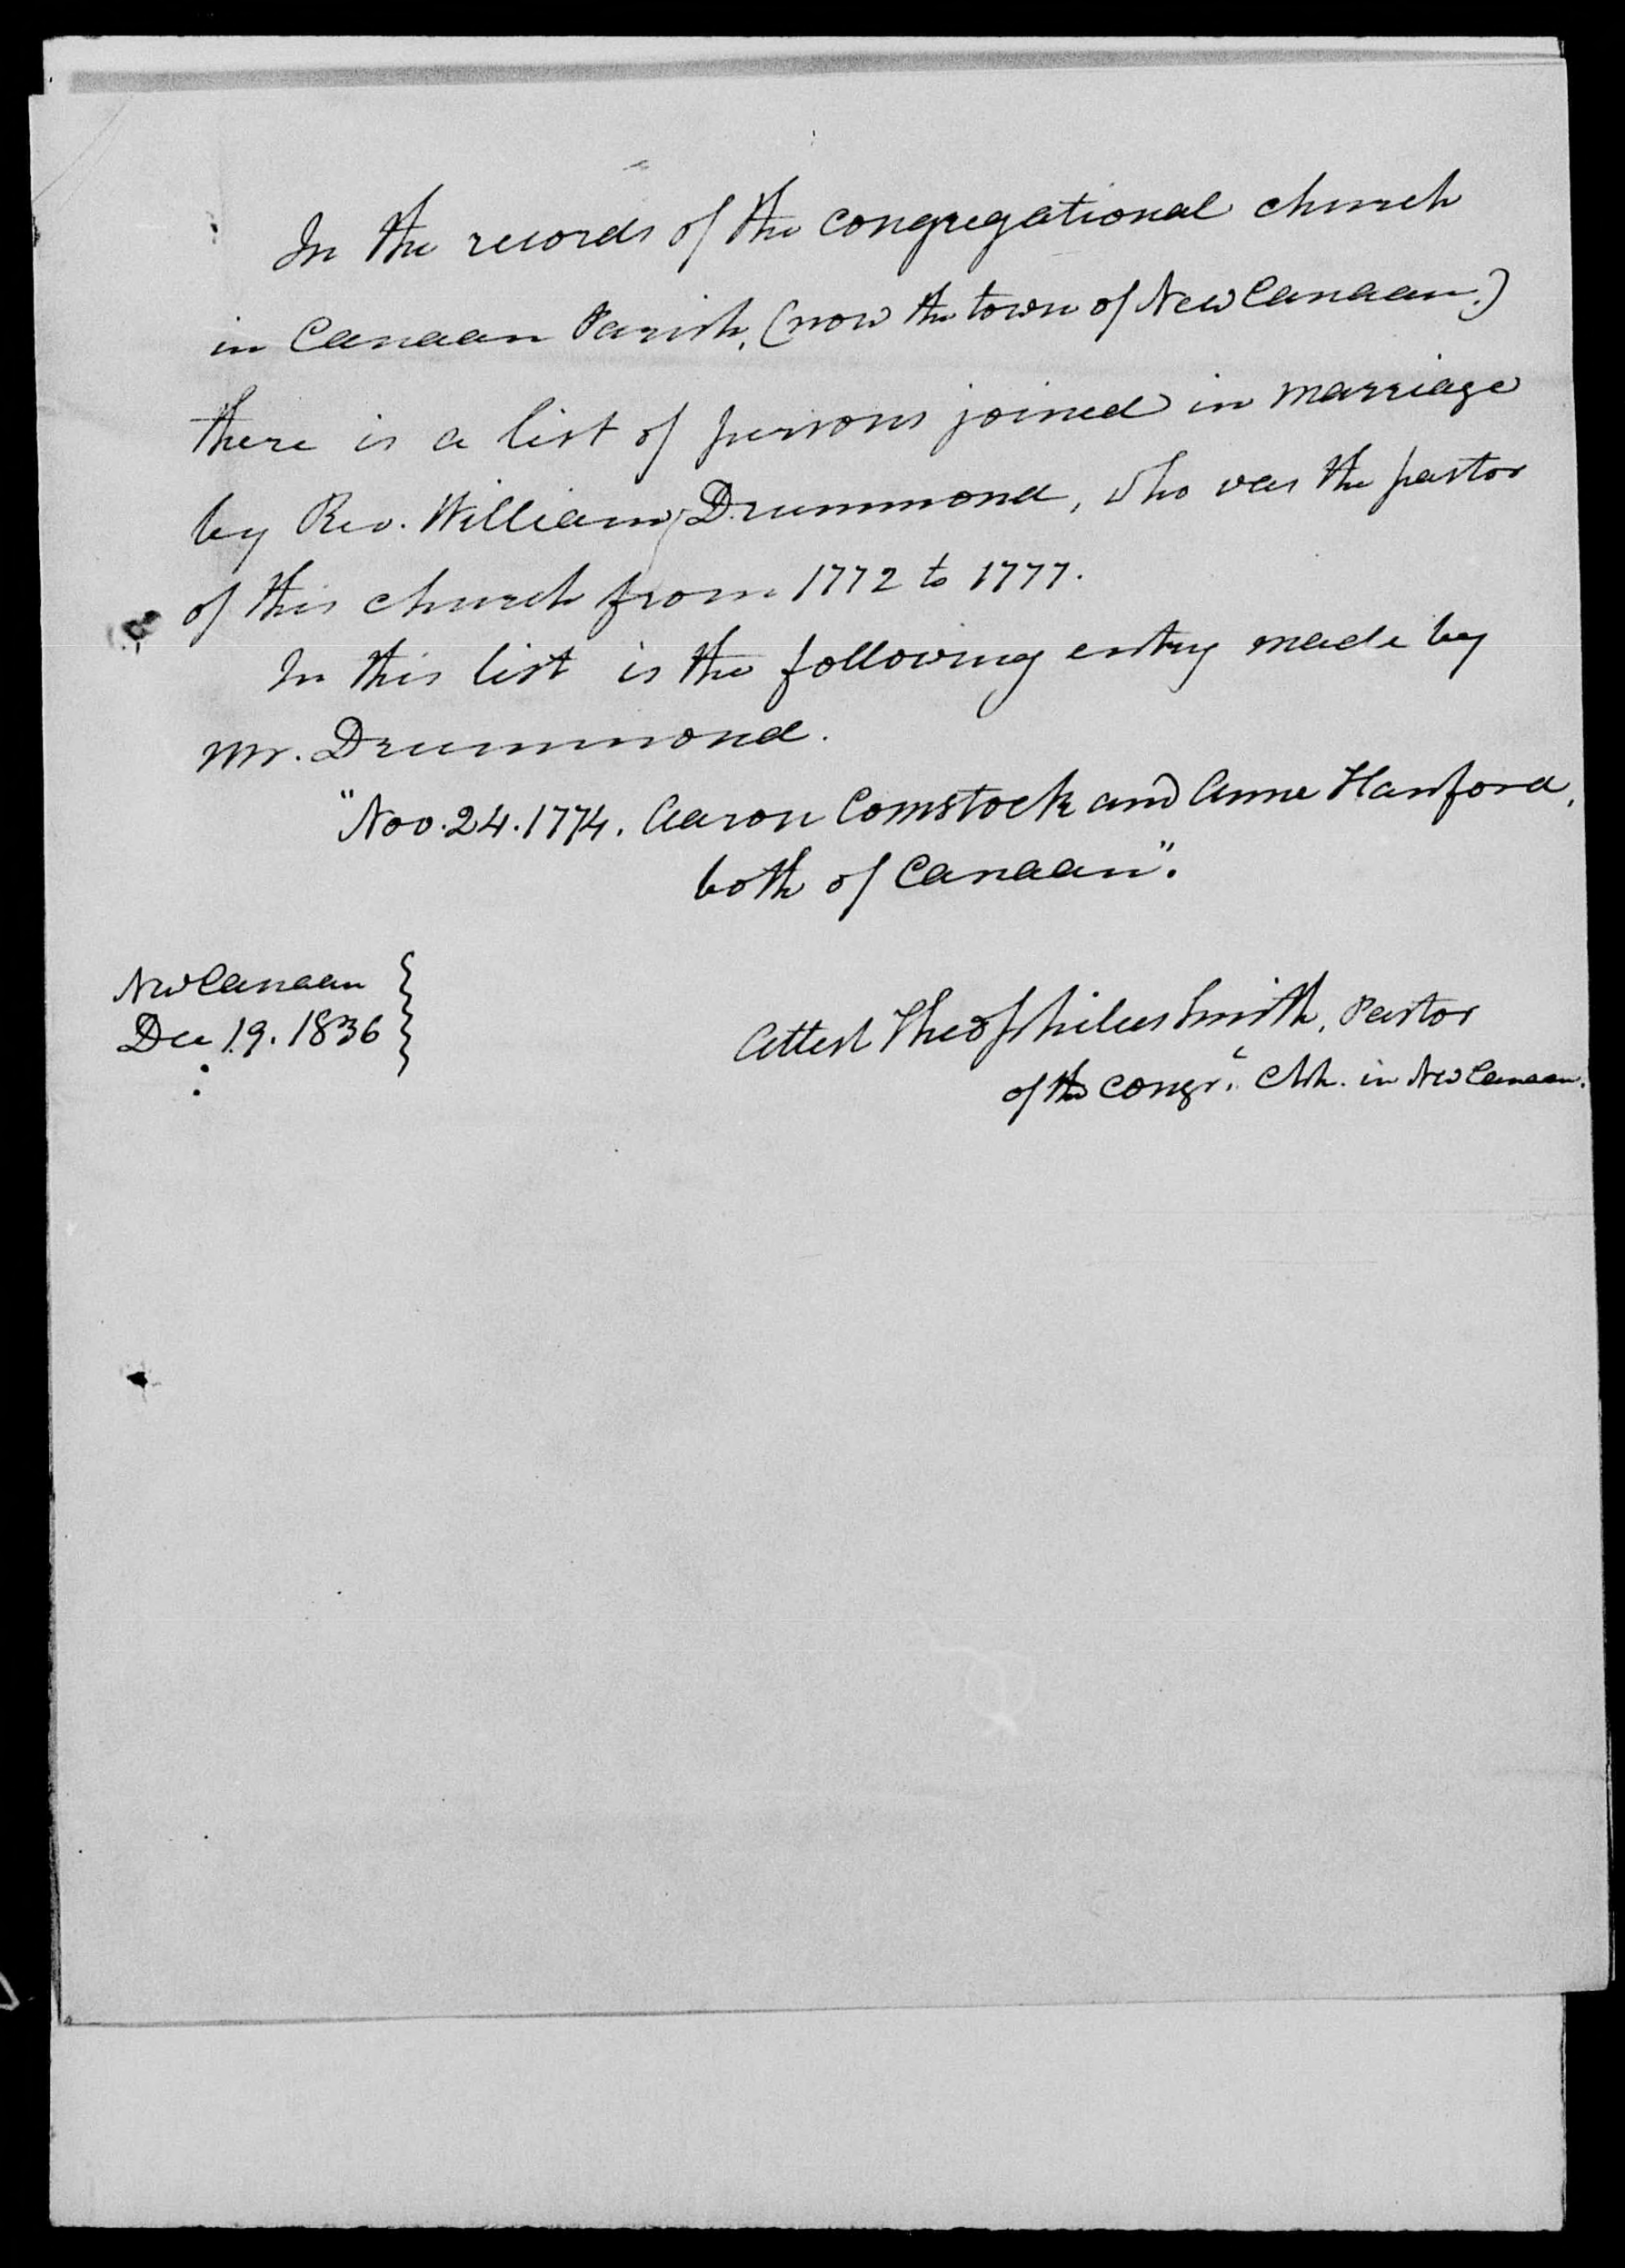In the record of the congregational church in Canaan Parish, (now the town of New Canaan.) there is a list of persons joined in marriage by Rev. William Drummond, who was the pastor of this church from 1772 to 1777.
In this list is the following entry made by Mr. Drummond
"Nov. 24. 1774. Aaron Comstock and Ann Hanford, both of Canaan."

New Canaan
Dec 19. 1836 | Attest Theophilus Smith, Pastor
of the Congrl. Chh. in New Canaan.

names: Anne Hanford, Theophilus Smith, Aaron Comstock, Drummond, William Drummond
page: 11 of 43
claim: widow's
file: W. 17,647, Aaron Comstock, Conn.